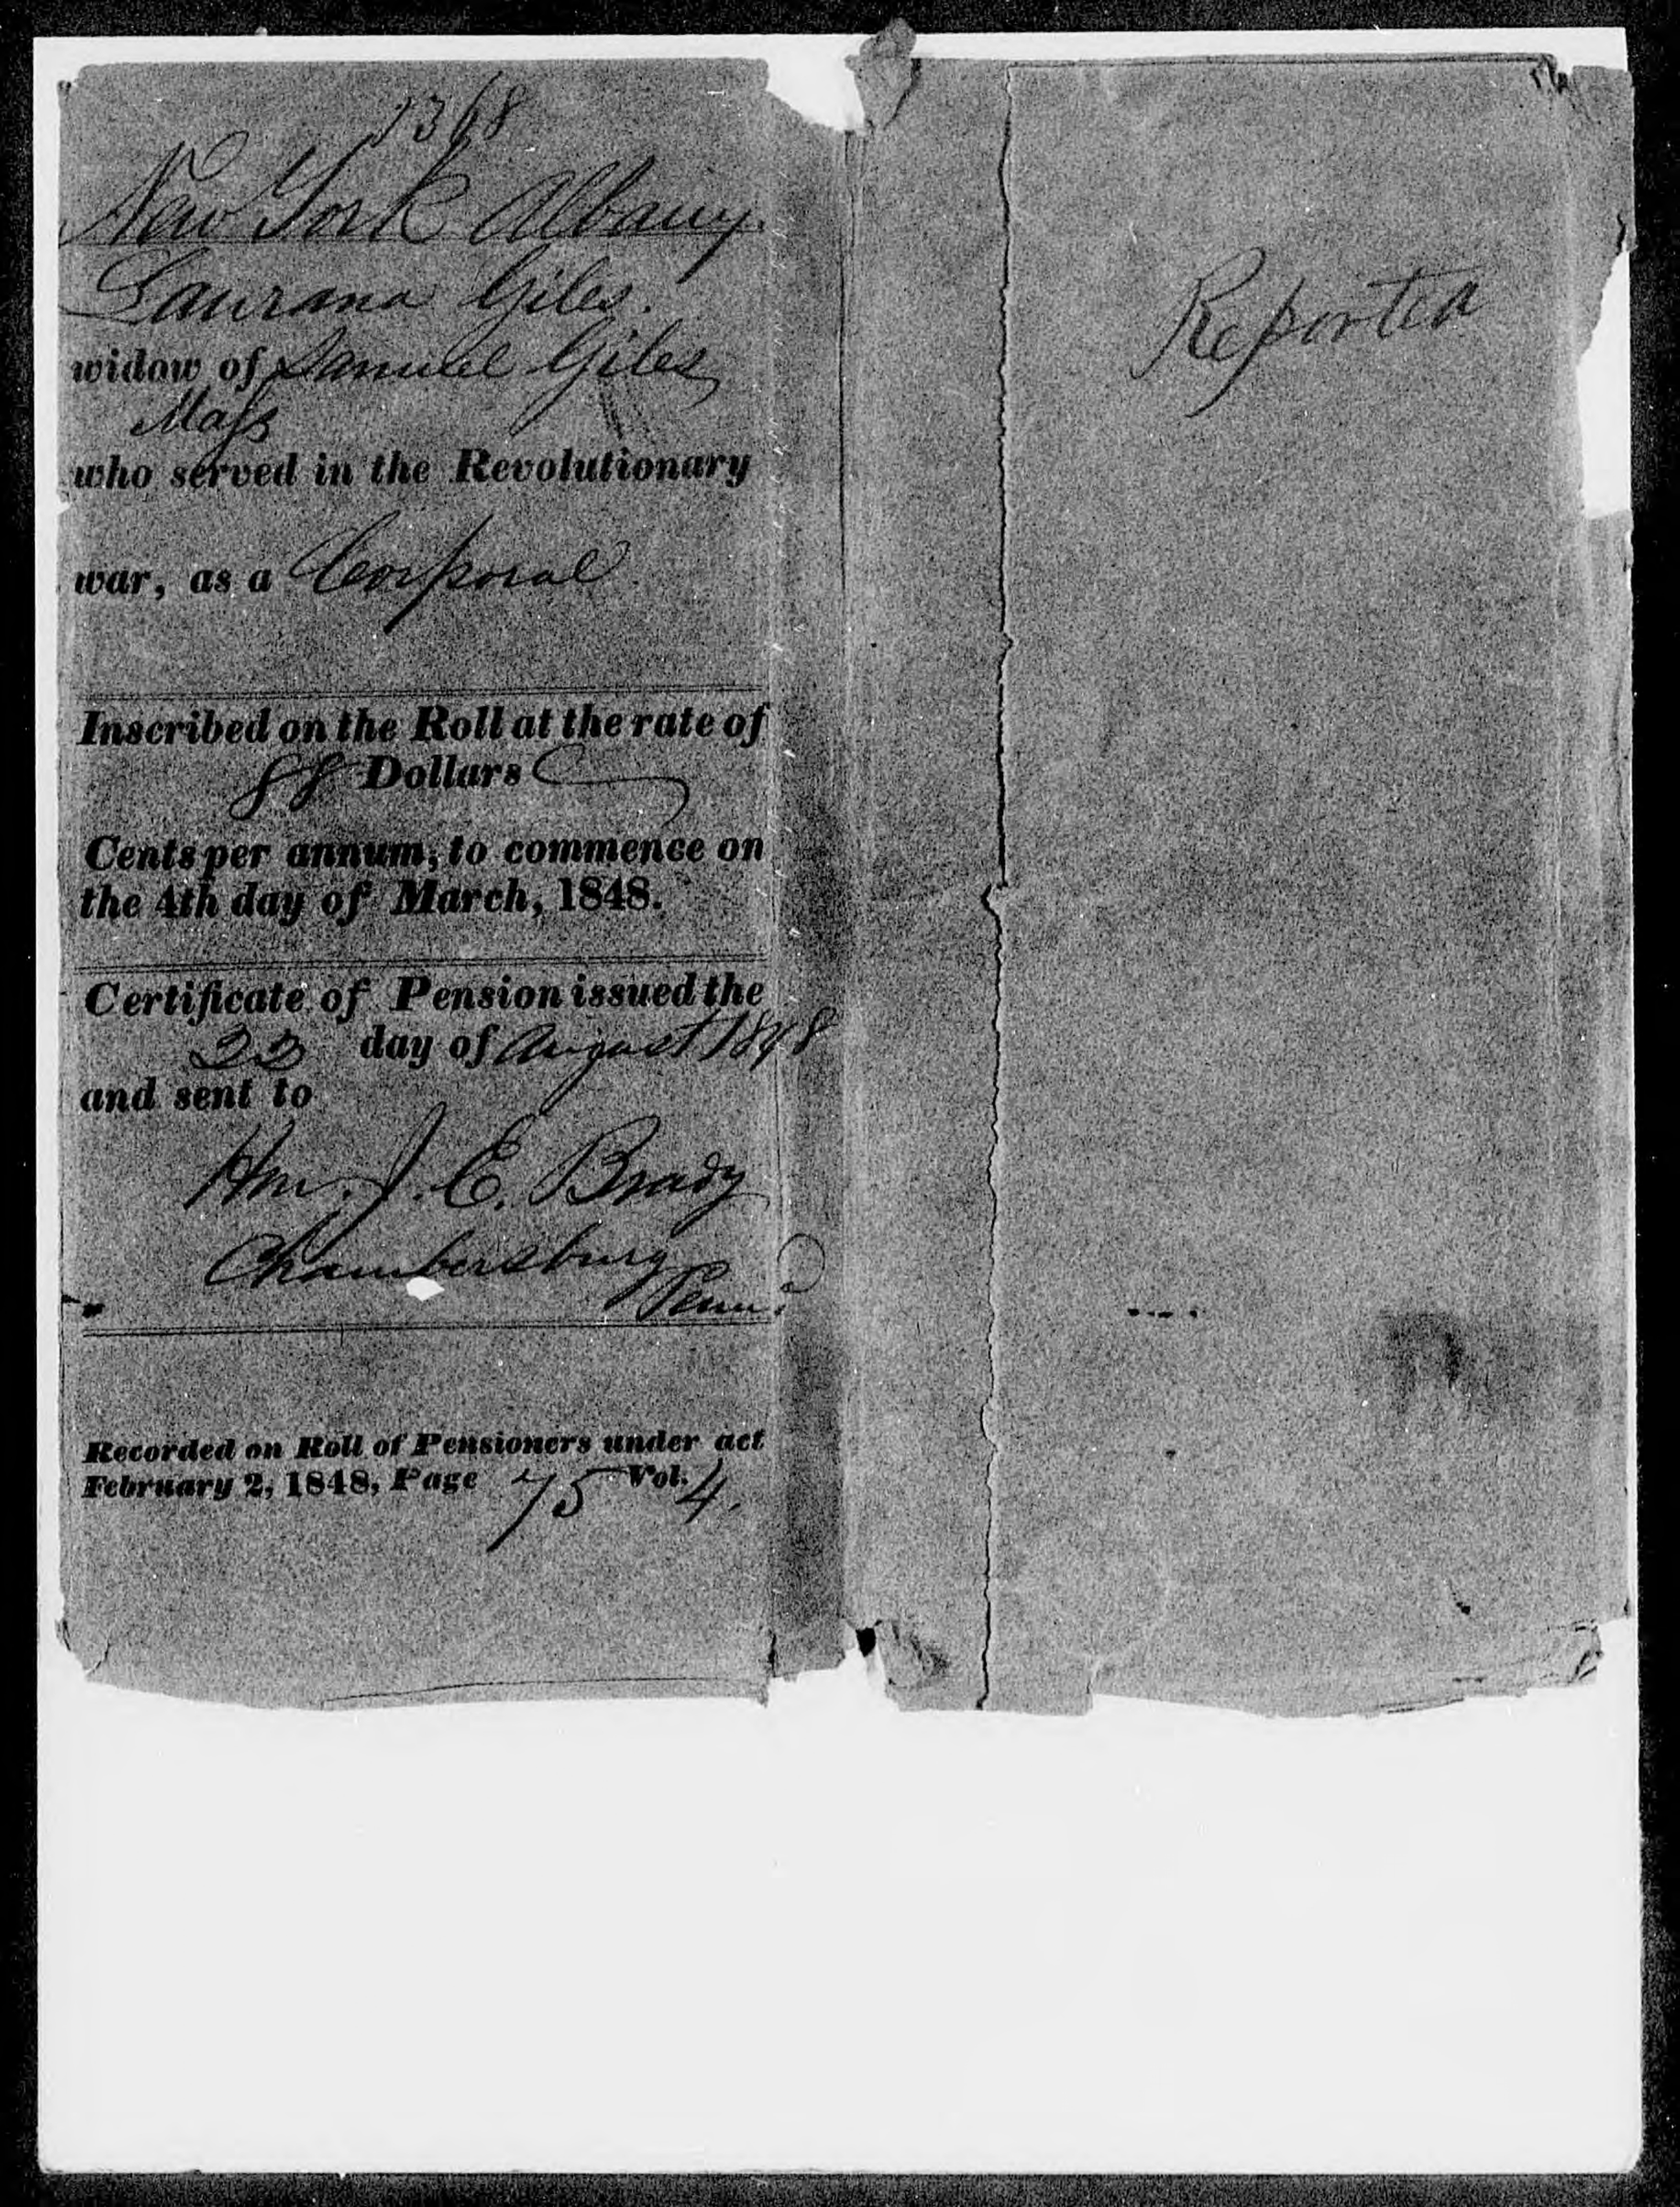New York Albany.
Laurana Giles.
widow of Samuel Giles who served in the Revolutionary war, as a Corporal.
Inscribed on the Roll at the rate of 88 Dollars 
Cents per annum to commence on the 4th day of March, 1848.
Certificate of Pension issued the 23 day of August 1848 and sent to J.E Brady
Chamber [illegible] Penn. 
Recorded on Roll of Pensioners under act February 2, 1848, Page 75 Vol.4.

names: Laurana Giles, J E Brady, Samuel Giles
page: 3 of 55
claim: widow's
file: W. 19503, Samuel Giles, Conti. Mass. New York